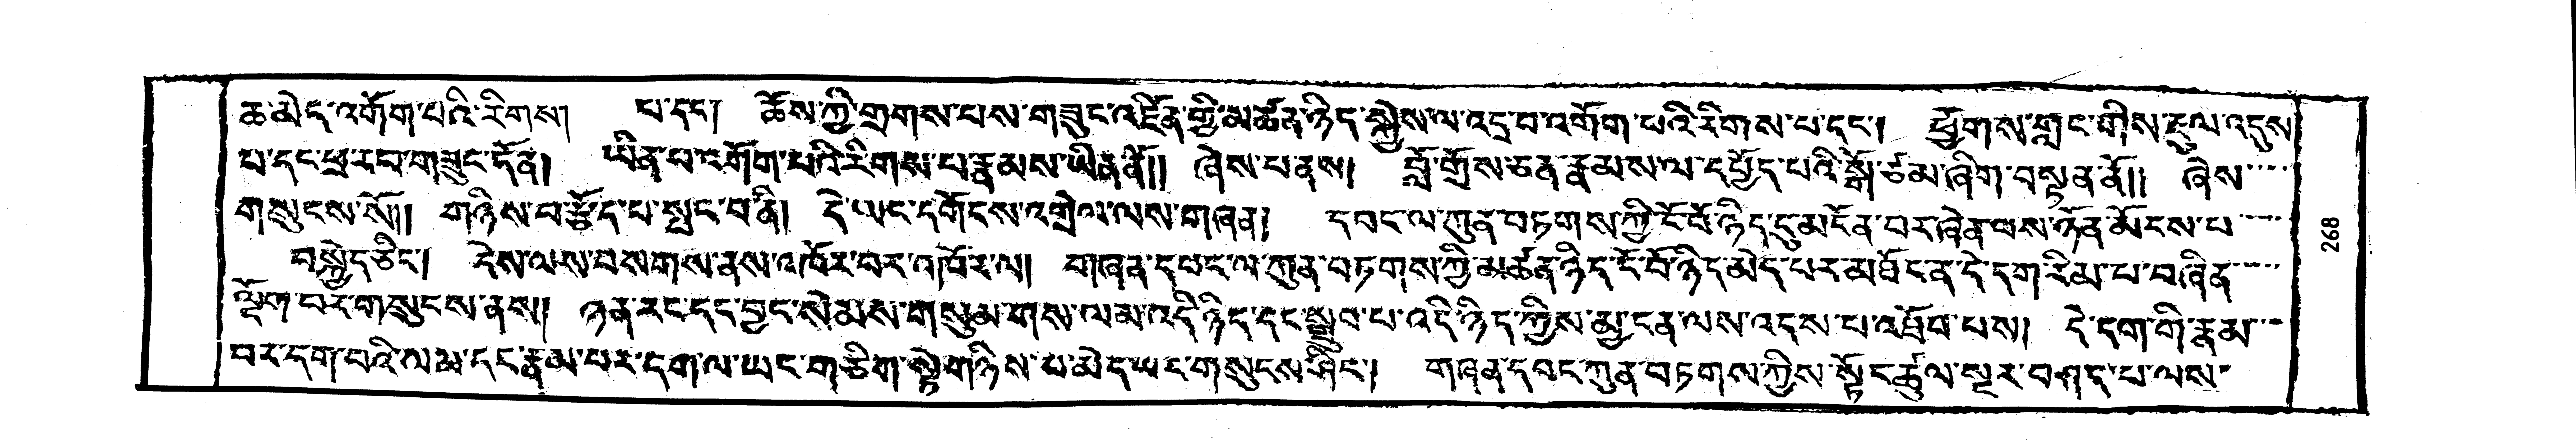ཆ་མེད་འགོག་པའི་རིགས། པ་དང་། ཆོས་ཀྱི་གྲགས་པས་གཟུང་འཛིན་གྱི་མཚན་ཉིད་སྐྱེས་ལ་འདྲ་བ་འགོག་པའི་རིགས་པ་དང་། ཕྱོགས་གླང་གིས་རྡུལ་འདུས་
བ་དང་ཕྲ་རབ་གཟུང་དོན། ཡིན་པ་འགོག་པའི་རིགས་པ་རྣམས་ཡིན་ནོ། །ཞེས་པ་ནས། བློ་གྲོས་ཅན་རྣམས་ལ་དཔྱོད་པའི་སྒོ་ཙམ་ཞིག་བསྟན་ནོ། །ཞེས་
གསུངས་སོ། །གཉིས་པ་རྩོད་པ་སྤང་བ་ནི། དེ་ཡང་དགོངས་འགྲེལ་ལས་གཞན། དབང་ལ་ཀུན་བཏགས་ཀྱི་ངོ་བོ་ཉིད་དུ་མངོན་པར་ཞེན་པས་ཉོན་མོངས་པ་
བསྐྱེད་ཅིང་། དེས་ལས་བསགས་ནས་འཁོར་བར་འཁོར་ལ། གཞན་དབང་ལ་ཀུན་བཏགས་ཀྱི་མཚན་ཉིད་ངོ་བོ་ཉིད་མེད་པར་མཐོང་ན་དེ་དག་རིམ་པ་བཞིན་
ལྡོག་པར་གསུངས་ནས། ཉན་རང་དང་བྱང་སེམས་གསུམ་གས་ལམ་འདི་ཉིད་དང་སྒྲུབ་པ་འདི་ཉིད་ཀྱིས་མྱ་ངན་ལས་འདས་པ་འཐོབ་པས། དེ་དག་གི་རྣམ་
བར་དག་པའི་ལམ་དང་རྣམ་པར་དག་ལ་ཡང་གཅིག་སྟེ་གཉིས་པ་མེད་ཡང་གསུངས་ཤིང་། གཞན་དབང་ཀུན་བཏགས་ཀྱིས་སྟོང་ཚུལ་སྔར་བཤད་པ་ལས་